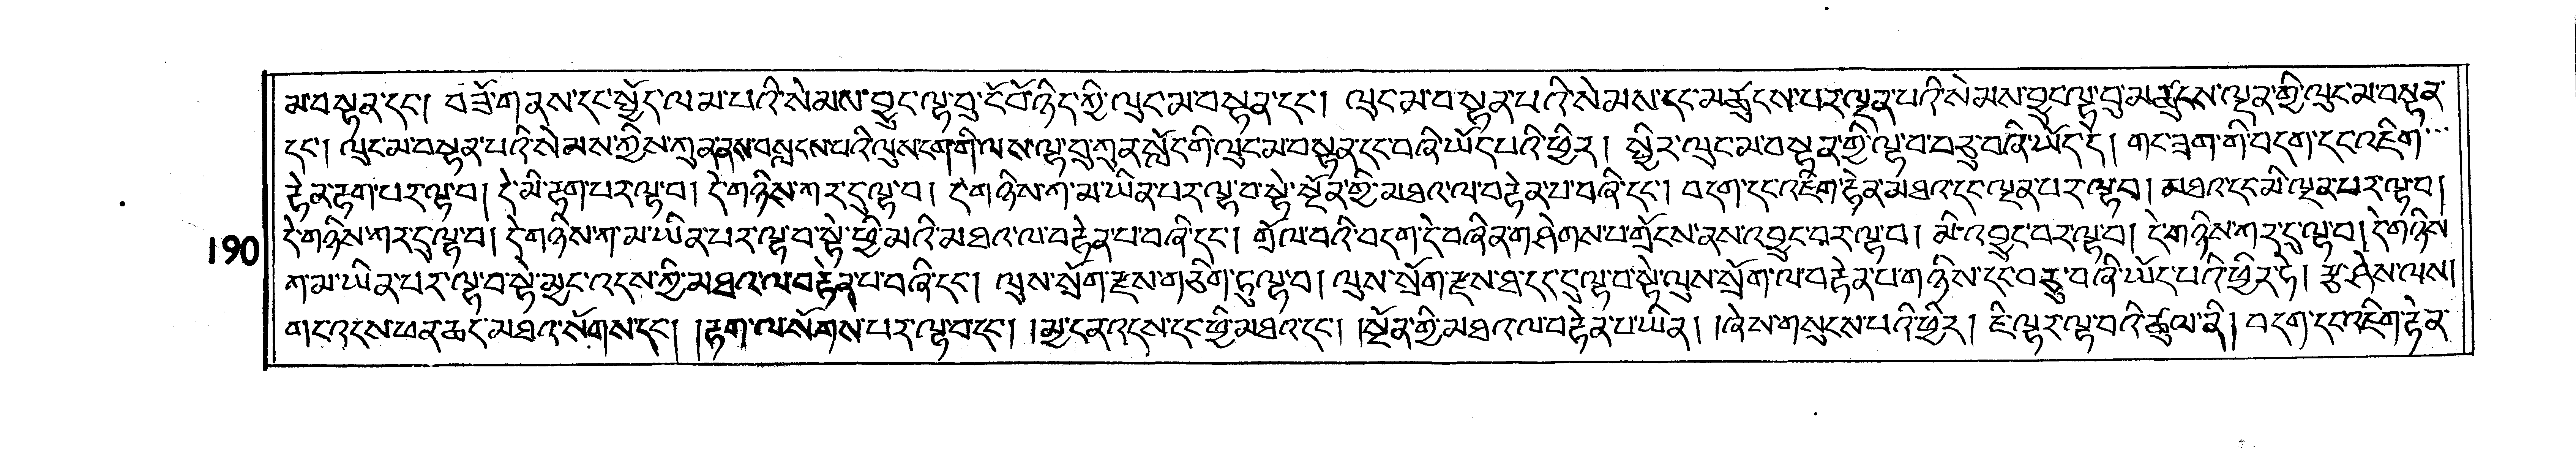མ་བསྟན་དང་། བཟོ་གནས་དང་སྤྱོད་ལམ་པའི་སེམས་བྱུང་ལྟ་བུ་ངོ་བོ་ཉིད་ཀྱི་ལུང་མ་བསྟན་དང་། ལུང་མ་བསྟན་པའི་སེམས་དང་མཚུངས་པར་ལྡན་པའི་སེམས་བྱུང་ལྟ་བུ་མཚུངས་ལྡན་གྱི་ལུང་མ་བསྟན་
དང་། ལུང་མ་བསྟན་པའི་སེམས་ཀྱིས་ཀུན་ནས་བསླངས་པའི་ལུས་ངག་གི་ལས་ལྟ་བུ་ཀུན་སློང་གི་ལུང་མ་བསྟན་དང་བཞི་ཡོད་པའི་ཕྱིར། སྤྱིར་ལུང་མ་བསྟན་གྱི་ལྟ་བ་བཅུ་བཞི་ཡོད་དེ། གང་ཟག་གི་བདག་དང་འཇིག་
རྟེན་རྟག་པར་ལྟ་བ། དེ་མི་རྟག་པར་ལྟ་བ། དེ་གཉིས་ཀར་དུ་ལྟ་བ། དེ་གཉིས་ཀ་མ་ཡིན་པར་ལྟ་བ་སྟེ་སྔོན་གྱི་མཐའ་ལ་བརྟེན་པ་བཞི་དང་། བདག་དང་འཇིག་རྟེན་མཐའ་དང་ལྡན་པར་ལྟ་བ། མཐའ་དང་མི་ལྡན་པར་ལྟ་བ།
དེ་གཉིས་ཀར་དུ་ལྟ་བ། དེ་གཉིས་ཀ་མ་ཡིན་པར་ལྟ་བ་སྟེ་ཕྱི་མའི་མཐའ་ལ་བརྟེན་པ་བཞི་དང་། གྲོལ་བའི་བདག་དེ་བཞིན་གཤེགས་པ་གྲོངས་ནས་འབྱུང་བར་ལྟ་བ། མི་འབྱུང་བར་ལྟ་བ། དེ་གཉིས་ཀར་དུ་ལྟ་བ། དེ་གཉིས་
ཀ་མ་ཡིན་པར་ལྟ་བ་སྟེ་མྱང་འདས་ཀྱི་མཐའ་ལ་བརྟེན་པ་བཞི་དང་། ལུས་སྲོག་རྫས་གཅིག་ཏུ་ལྟ་བ། ལུས་སྲོག་རྫས་ཐ་དད་དུ་ལྟ་བ་སྟེ་ལུས་སྲོག་ལ་བརྟེན་པ་གཉིས་དང་བཅུ་བཞི་ཡོད་པའི་ཕྱིར་ཏེ། རྩ་ཤེས་ལས།
གང་འངས་ཕན་ཆད་མཐའ་སོགས་དང་། །རྟག་ལ་སོགས་པར་ལྟ་བ་དང་། །མྱ་ངན་འདས་དང་ཕྱི་མཐའ་དང་། །སྔོན་གྱི་མཐའ་ལ་བརྟེན་པ་ཡིན། །ཞེས་གསུངས་པའི་ཕྱིར། ཇི་ལྟར་ལྟ་བའི་ཚུལ་ནི། བདག་དང་འཇིག་རྟེན་